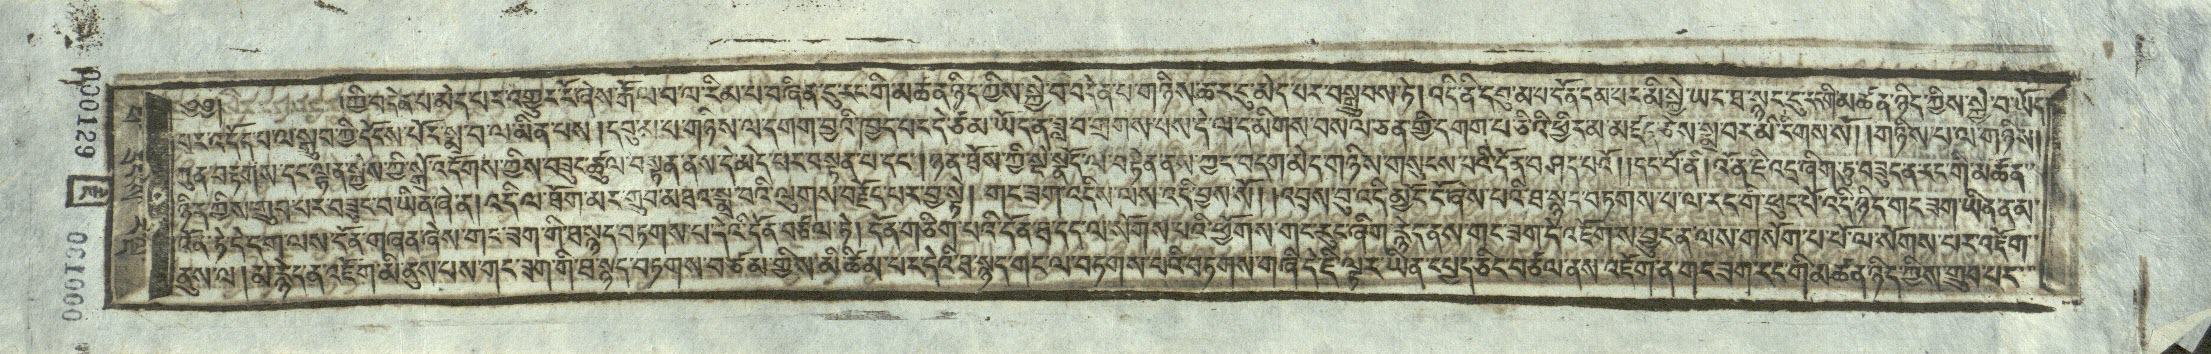༄༅། །ཀྱི་བདེན་པ་མེད་པར་འགྱུར་རོ་ཞེས་རྒོལ་བ་ལ་རིམ་པ་བཞིན་དུ་རང་གི་མཚན་ཉིད་ཀྱིས་སྐྱེ་བ་བདེན་པ་གཉིས་ཆར་དུ་མེད་པར་བསྒྲུབས་ཏེ། འདི་ནི་དབུ་མ་བདོན་དམ་པར་མི་སྐྱེ་ཡང་ཐ་སྙད་དུ་རང་མཚན་ཉིད་ཀྱིས་སྐྱེ་བ་ཡོད་
པར་འདོད་པ་ལ་སྒྲུབ་ཀྱི་དངོས་པོར་སྨྲ་བ་ལ་མིན་པས། དབུ་མ་པ་གཉིས་ལ་དགག་བྱའི་ཁྱད་པར་དེ་ཙམ་ཡོད་ན་ཟླ་བ་གྲགས་པས་དེ་ལ་དམིགས་བསལ་ཅན་གྱི་དགག་པ་ཅིའི་ཕྱིར་མ་མཛད་ཅེས་སྨྲ་བར་མི་རིགས་སོ། །གཉིས་པ་ལ་གཉིས།
ཀུན་བརྟགས་དང་ལྷན་སྐྱེས་ཀྱི་སྒྲོ་འདོགས་ཀྱིས་བཟུང་ཚུལ་བསྟན་ནས་དེ་མེད་པར་བསྟན་པ་དང་། ཉན་ཐོས་ཀྱི་སྡེ་སྣོད་ལ་བརྟེན་ནས་ཀྱང་བདག་མེད་གཉིས་གསུངས་པའི་དོན་བཤད་པའོ། །དང་པོ་ནི། འོན་ཇི་འདྲ་ཞིག་ཏུ་བཟུང་ན་རང་གི་མཚན་
ཉིད་ཀྱིས་གྲུབ་པར་བཟུང་བ་ཡིན་ཞེ་ན། འདི་ལ་ཐོག་མར་གྲུབ་མཐའ་སྨྲ་བའི་ལུགས་བརྗོད་པར་བྱ་སྟེ། གང་ཟག་འདིས་ལས་འདི་བྱས་སོ། །འབྲས་བུ་འདི་མྱོང་ངོ་ཞེས་པའི་ཐ་སྙད་བཏགས་པ་ལ་རང་གི་ཕུང་པོ་འདི་ཉིད་གང་ཟག་ཡིན་ནམ་
འོན་ཏེ་དེ་དག་ལས་དོན་གཞན་ཞེས་གང་ཟག་གི་ཐ་སྙད་བཏགས་པ་དེའི་དོན་བཙལ་ཏེ། དེན་གཅིག་པའི་དོན་ཐ་དད་ལ་སོགས་པའི་ཕྱོགས་གང་རུང་ཞིག་རྙེད་ནས་གང་ཟག་དེ་འཇོག་ས་བྱུང་ན་ལས་གསོག་པ་པོ་ལ་སོགས་པར་འཇོག་
ནུས་ལ། མ་རྙེད་ན་འཇོག་མི་ནུས་པས་གང་ཟག་གི་ཐ་སྙད་བཏགས་པ་ཙམ་གྱིས་མི་ཚིམ་པར་དེའི་ཐ་སྙད་གང་ལ་བཏགས་པའི་བཏགས་གཞི་དེ་ཇི་ལྟར་ཡིན་དཔྱད་ཅིང་བཙལ་ནས་འཇོག་ན་གང་ཟག་རང་གི་མཚན་ཉིད་ཀྱིས་གྲུབ་པར་